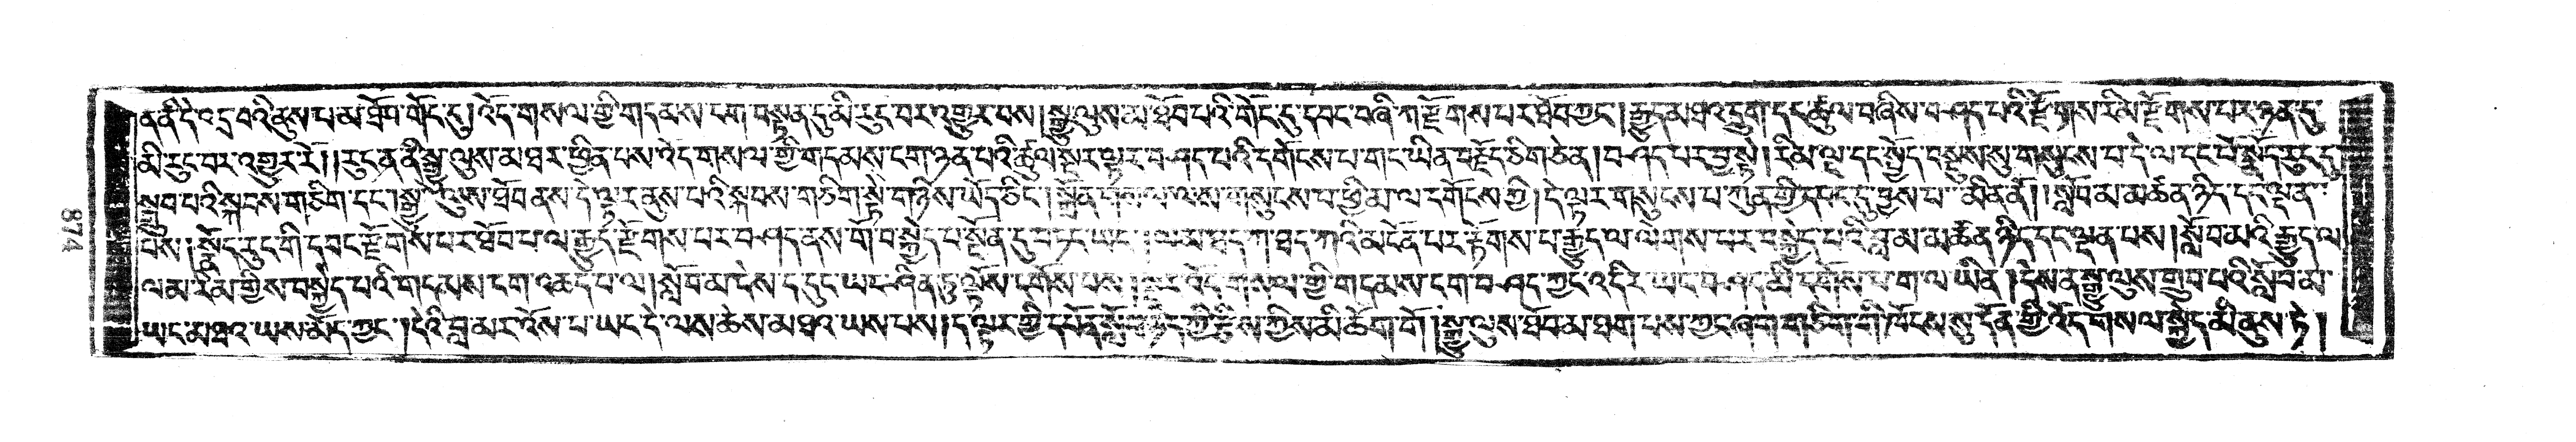ན་ནི་དེ་འདྲ་བའི་ནུས་པ་མ་ཐོབ་གོང་དུ། འོད་གསལ་གྱི་གདམས་ངག་བསྟན་དུ་མི་རུང་བར་འགྱུར་བས། སྒྱུ་ལུས་མ་ཐོབ་པའི་གོང་དུ་དབང་བཞི་ཀ་རྫོགས་པར་ཐོབ་ཀྱང་། རྒྱུད་མཐའ་དྲུག་དང་ཚུལ་བཞིས་བཤད་པའི་རྫོགས་རིམ་རྫོགས་པར་ཉན་དུ་
མི་རུང་བར་འགྱུར་རོ། །རུང་ན་ནི་སྒྱུ་ལུས་མཐར་ཕྱིན་པས་འོད་གསལ་གྱི་གདམས་ངག་ཉན་པའི་ཚུལ་སྔར་ལྟར་བཤད་པའི་དགོངས་པ་གང་ཡིན་བརྗོད་ཅིག་ཅེ་ན། བཤད་པར་བྱ་སྟེ། རིམ་ལྔ་དང་སྤྱོད་བསྡུས་སུ་གསུངས་པ་དེ་ལ་དང་པོ་སྣོད་རུང་དུ་
སྒྲུབ་པའི་སྐབས་གཅིག་དང་། སྒྱུ་ལུས་ཐོབ་ནས་དེ་ལྟར་ནུས་པའི་སྐབས་གཅིག་སྟ་གཉིས་ཡོད་ཅིང་། སྒྲོན་གསལ་ལས་གསུངས་པ་ཕྱི་མ་ལ་དགོངས་ཀྱི། དེ་ལྟར་གསུངས་པ་ཀུན་གྱི་དབང་དུ་བྱས་པ་མིན་ནོ། །སློབ་མ་མཚན་ཉིད་དང་ལྡན་
པས། སྣོད་རུང་གི་དབང་རྫོགས་པར་ཐོབ་པ་ལ་རྒྱུད་རྫོགས་པར་བཤད་ནས་གོ་བ་སྐྱེད་པ་སྔོན་དུ་བཏང་ཡང་། ལམ་ཐད་ཀ་ཐད་ཀའི་མངོན་པར་རྟོགས་པ་རྒྱུད་ལ་ལེགས་པར་བསྐྱེད་པའི་བླ་མ་མཚན་ཉིད་དང་ལྡན་པས། སློབ་མའི་རྒྱུད་ལ་
ལམ་རིམ་གྱིས་བསྐྱེད་པའི་གདམས་ངག་འཆད་པ་ལ། སློབ་མ་ངེས་ད་དུང་ཡང་ཤིན་ཏུ་ལྟོས་དགོས་པས། སྔར་འོད་གསལ་གྱི་གདམས་ངག་བཤད་ཀྱང་འདིར་ཡང་བཤད་མི་དགོས་པ་ག་ལ་ཡིན། དེས་ན་སྒྱུ་ལུས་གྲུབ་པའི་སློབ་མ་
ཡང་མཐའ་ཡས་མོད་ཀྱང་། དེའི་བླ་མར་འོས་པ་ཡང་དེ་ལས་ཆེས་མཐའ་ཡས་པས། ད་ལྟར་གྱི་དཔོན་སློབ་ཉིད་ཀྱི་རྩིས་ཀྱིས་མི་ཆོག་གོ །སྒྱུ་ལུས་ཐོབ་མ་ཐག་པས་ཀྱང་ཞག་གཅིག་གི་ཁོངས་སུ་དོན་གྱི་འོད་གསལ་སྐྱེད་མི་ནུས་ཏེ།